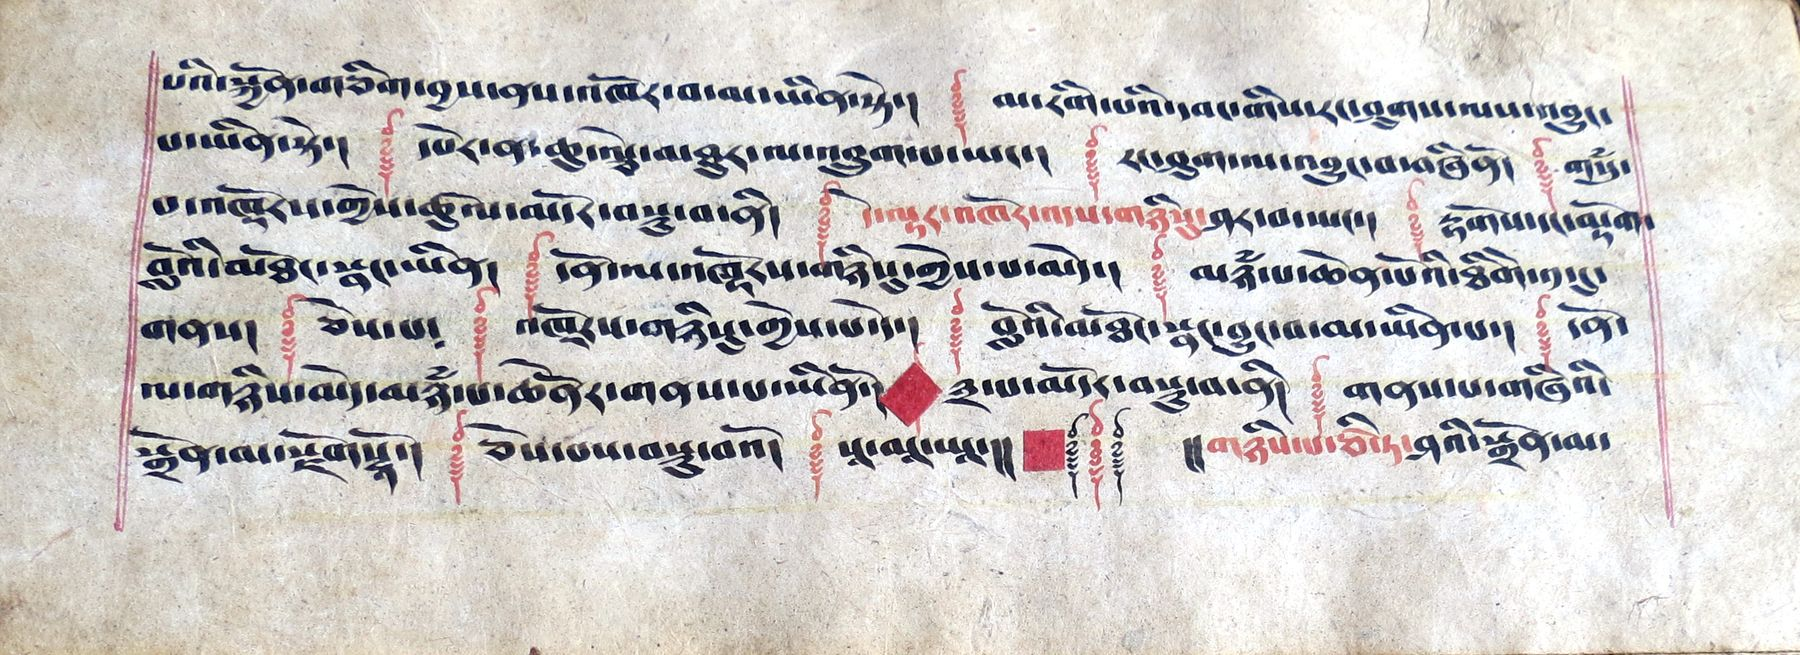པའི་སྐྱོན་ཞིག་བྱས་ནས་འཁོར་བ་མ་ཡིན་ཏེ། མ་རིག་པའི་དབང་གིས་རང་ཤུགས་ལས་བྱུང་
པ་ཡིན་ཏེ། དཔེར་ན་ཆུ་ལྕེ་ཐུར་ལ་འབྲུག་པ་ཡང་། རང་ཤུགས་ལས་བྱུང་བ་བཞིན་ནོ། ། གསུམ་
པ་འཁོར་འདས་ཀྱི་གྱེས་ཚུལ་མདོར་བསྡུ་བ་ནི། དེ་ལྟར་འཁོར་འདས་གཉིས་སུ་ཤར་བ་ཡང་། རྟོགས་དང་མ་རྟོགས་
བློའི་མཐོང་སྣང་ཡིན། དོན་ལ་འཁོར་འདས་གཉིས་སུ་གྱེས་པ་མེད། མཉམ་པ་ཆེན་པོ་ཐིག་ལེ་གཅིག་ཏུ་
གནས། །ཞེས་པས། འཁོར་འདས་གཉིས་སུ་གྱེས་པ་དེ། བློའི་མཐོང་སྣང་ལས་བྱུང་བ་མ་ཡིན་པ། དོན་
ལ་གཉིས་མེད་མཉམ་པ་ཆེན་པོར་གནས་པ་ཡིན་ནོ། །གསུམ་པ་མདོར་བསྡུ་བ་ནི། གནས་པ་གཞིའི་
སྒྲོན་མ་རྫོགས་སོ། །ཞེས་པས་བསྡུ་བའོ། །ས་མ་ཡ། ཇ༽ གཉིས་པ་ཙི་ཏ་ཤའི་སྒྲོན་མ་